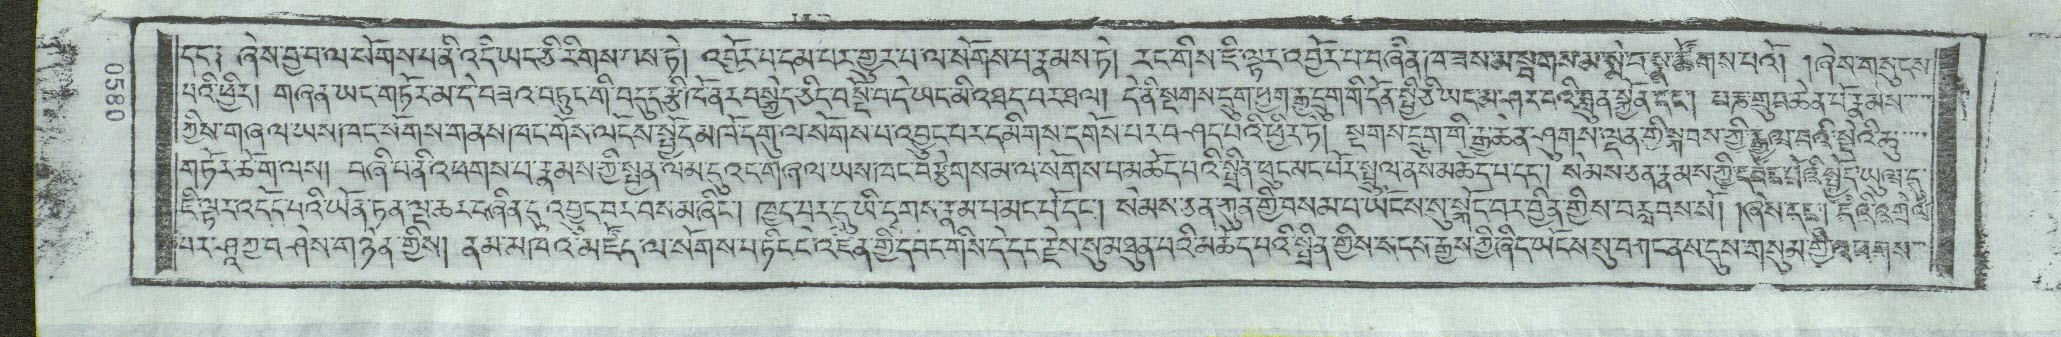དང་། ཞེས་བྱ་བ་ལ་སོགས་པ་ནི་འདི་ཡང་ཅི་རིགས་པས་ཏེ། འབྱོར་པ་དམ་པར་གྱུར་པ་ལ་སོགས་པ་རྣམས་ཏེ། རང་གིས་ཇི་ལྟར་འབྱོར་པ་བཞིན་ཁ་ཟས་མ་སྤགས་མ་སྨེ་བ་སྣ་ཚོགས་པའོ། །ཞེས་གསུངས་
པའི་ཕྱིར། གཞན་ཡང་གཏོར་མ་དེ་བཟའ་བཏུང་གི་བདུད་རྩི་ཁོ་ནར་བསྐྱེད་ཅིང་བསྔོ་བ་དེ་ཡང་མི་འཐད་པར་ཐལ། དེ་ནི་སྔགས་དྲུག་ཕྱག་རྒྱ་དྲུག་གི་དོན་སྤྱི་ཅི་ཡང་མ་ཤར་བའི་བླུན་སྐྱོན་དང་། པཎ་གྲུབ་ཆེན་པོ་རྣམས་
ཀྱིས་གཞལ་ཡས་ཁང་སོགས་གནས་ཁང་གོས་ལོངས་སྤྱོད་མཁོ་དགུ་ལ་སོགས་པ་འབྱུང་བར་དམིགས་དགོས་པར་བཤད་པའི་ཕྱིར་ཏེ། སྔགས་དྲུག་གི་རྒྱ་ཆེན་ཤུགས་ལྡན་གྱི་སྐབས་ཀྱི་རྒྱལ་བའི་སྤྲེའི་ཆུ་
གཏོར་ཆོ་ག་ལས། བཞི་པ་ནི་འཕགས་པ་རྣམས་ཀྱི་སྤྱན་ལམ་དུ་འང་གཞལ་ཡས་ཁང་བརྩེགས་མ་ལ་སོགས་པ་མཆོད་པའི་སྤྲིན་ཕུང་མང་པོར་སྤྲུལ་ནས་མཆོད་པ་དང་། སེམས་ཅན་རྣམས་ཀྱི་དབང་པོའི་སྤྱོད་ཡུལ་དུ་
ཇི་ལྟར་འདོད་པའི་ཡོན་ཏན་ལྔ་ཆར་བཞིན་དུ་འབྱུང་བར་བསམ་ཞིང་། ཁྱད་པར་དུ་ཡི་དྭགས་རྣམ་པ་མང་པོ་དང་། སེམས་ཅན་ཀུན་གྱི་བསམ་པ་ཡོངས་སུ་སྐོང་བར་བྱིན་གྱིས་བརླབས་སོ། །ཞེས་དང་། དེའི་འགྲེལ་
པར་ཤཱཀྱ་བཤེས་གཉེན་གྱིས། ནམ་མཁའ་མཛོད་ལ་སོགས་པ་ཏིང་ངེ་འཛིན་གྱི་དབང་གིས་དེ་དང་རྗེས་སུ་མཐུན་པའི་མཆད་པའི་སྤྲིན་གྱིས་སངས་རྒྱས་ཀྱི་ཞིང་ཡོངས་སུ་བཀང་ནས་དུས་གསུམ་གྱི་འཕགས་